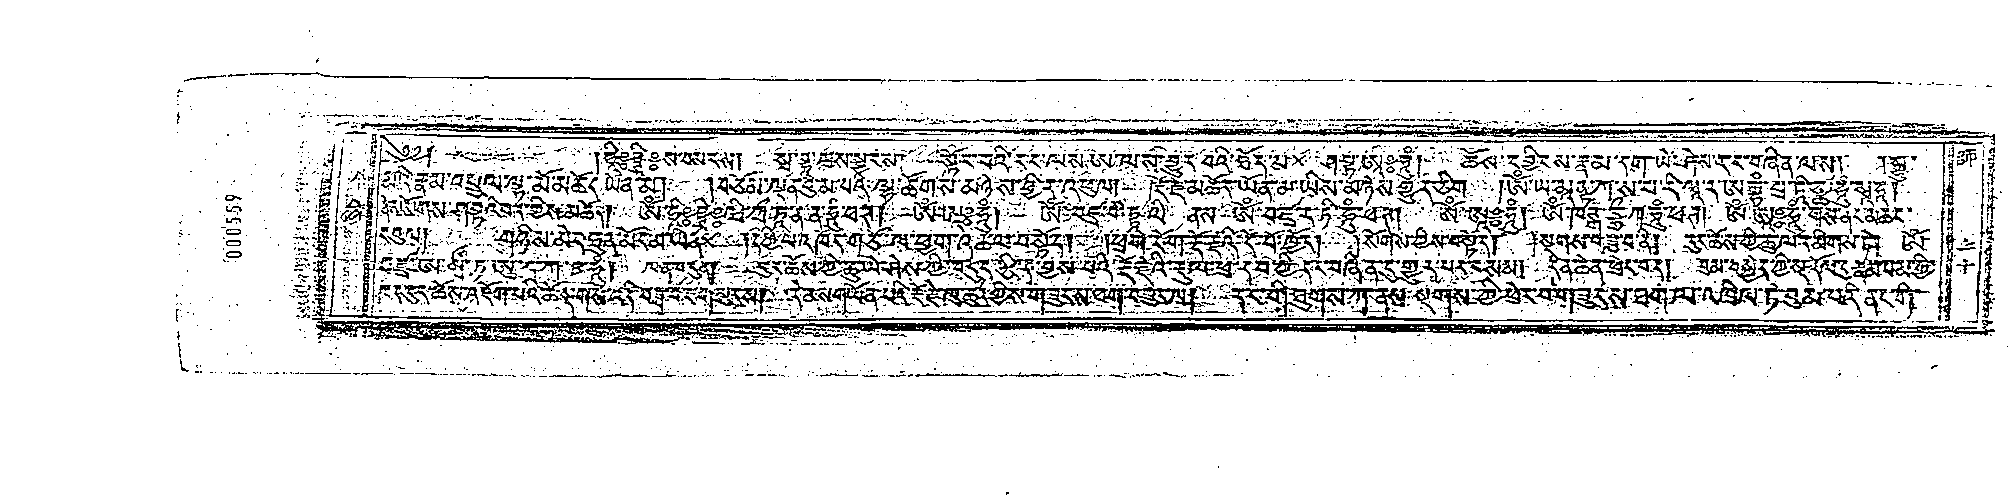༄༅། །ཧྲཱིཿ་ཥྚིཿ་ས་བསངས། སྭ་བྷཱ་ཝས་སྦྱངས། སྟོང་པའི་ངང་ལས་ཨ་ལས་བྱུང་བའི་ཐོད་པ་྾་ཤཔྟ་ཨཱཿ་ཧཱུཾ། ཆོས་དབྱིངས་རྣམ་དག་ཡེ་ཤེས་རང་བཞིན་ལས། །སྒྱུ་
མའི་རྣམ་འཕྲུལ་ལྷ་མོ་མཆོང་ཡོན་མ། །བཅོམ་ལྡན་བུམ་པའི་ལྷ་ཚོགས་མཉེས་ཕྱིར་འཕུལ། །རྡོ་རྗེ་མཆོད་ཡོན་མ་ཡིས་མཉེས་གྱུར་ཅིག །ཨོཾ་ཨ་མཱནྟ་ཀ་ས་པ་རི་ཝཱ་ར་ཨརྒྷཾ་པྲ་ཏཱི་ཙྪ་ཧཱུཾ་སྭཱ་ཧཱ།
ཞེས་སོགས་ཤབདའི་བར་གྱིས་མཆོད། ཨོཾ་ཧྲཱིཿ་ཥྚཱིཿ་ཝི་ཀྲྀ་ཏཱ་ན་ན་ཧཱུཾ་ཕཊ། ཨོཾ་ཨཱཿ་ཧཱུཾ། ཨོཾ་བཛྲ་བཻ་ཏཱ་ལི་ནས་ཨོཾ་བཛྲ་ར་ཏི་ཧཱུཾ་ཕཊ། ཨོཾ་ཨཱཿ་ཧཱུཾ། ཨོཾ་ཁཊྒ་དྷྲྀ་ཀ་ཧཱུཾ་ཕཊ། ཨོཾ་ཨཱཿ་ཧཱུཾ་གིས་ནང་མཆང་
དབུལ། གཉིས་མེད་ཐུན་མོང་མ་ཡིན་྾་།དཀྱིལ་འཁོར་གཙོ་ལ་ཕྱག་འཚལ་བསྟོད། །ཕྲག་དོག་རྡོ་རྗེའི་ངོ་བོ་ཁྱོད། །སོགས་ཀྱིས་བསྟོད། །སྔགས་བཟླ་བ་ནི། དུང་ཆོས་ཀྱི་ཆུ་ལ་དམིགས་ཏེ། ཨོཾ་
བཛྲ་ཨ་མྲྀ་ཏ་ཨུ་ད་ཀ་ཊཿཨ་ཧཱུཾ། ལན་བདུན། དུང་ཆོས་ཀྱི་ཆུ་ཡེ་ཤེས་ཀྱི་བདུད་རྩིར་བྱས་པའི་རྡོ་རྗེའི་རྡུལ་ཕྲ་རབ་ཀྱི་རང་བཞིན་དུ་གྱུར་པར་བསམ། རིན་ཆེན་ཕྲེང་བར། བུམ་བསྐྱེད་ཀྱི་སྔ་རོལ་དུ་རྣམ་བུམ་གྱི་
ཁར་དུང་ཆོས་འཇོག་པའི་ཚེ་སྔགས་འདི་བཟླ་བར་གསུངས། དེ་ནས་གཡོན་པའི་རྡོ་རྗེ་ཁུ་ཚུར་གྱིས་གཟུངས་ཐག་བཟུང་ལ། རང་གི་ཐུགས་ཀ་ནས་སྔགས་ཀྱི་ཕྲེང་བ་གཟུངས་ཐག་ལ་འཁྲིལ་ཏེ་བུམ་པའི་ནང་གི་